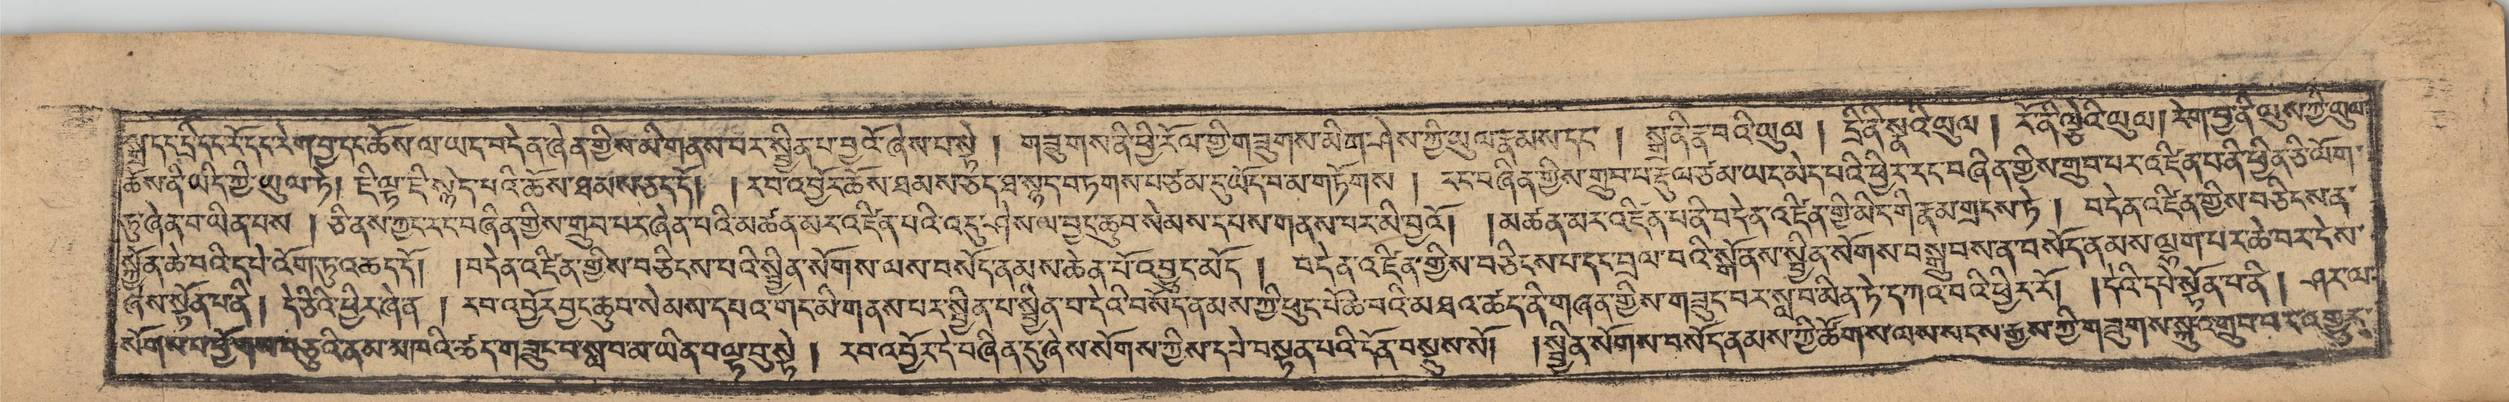བ་སྒྲ་དང་དྲི་དང་རོ་དང་རེག་བྱ་དང་ཆོས་ལ་ཡང་བདེན་ཞེན་གྱིས་མི་གནས་པར་སྦྱིན་པ་བྱའོ་ཞེས་པ་སྟེ། གཟུགས་ནི་ཕྱི་རོལ་གྱི་གཟུགས་མིག་ཤེས་གྱི་ཡུལ་རྣམས་དང་། སྒྲ་ནི་རྣ་བའི་ཡུལ། དྲི་ནི་སྣའི་ཡུལ། རོ་ནི་ལྕེའི་ཡུལ། རེག་བྱ་ནི་ལུས་ཀྱི་ཡུལ།
ཆོས་ནི་ཡིད་ཀྱི་ཡུལ་ཏེ། ཇི་ལྟ་ཇི་སྙེད་པའི་ཆོས་ཐམས་ཅད་དོ། །རབ་འབྱོར་ཆོས་ཐམས་ཅད་ཐ་སྙད་བཏགས་པ་ཙམ་དུ་ཡོད་པ་མ་གཏོགས། རང་བཞིན་གྱིས་གྲུབ་པ་རྡུལ་ཙམ་ཡང་མེད་པའི་ཕྱིར་རང་བཞིན་གྱིས་གྲུབ་པར་འཛིན་པ་ནི་ཕྱིན་ཅི་ལོག་
ཏུ་ཞེན་པ་ཡིན་པས། ཅི་ནས་ཀྱང་རང་བཞིན་ཀྱིས་གྲུབ་པར་ཞེན་པའི་མཚན་མར་འཛིན་པའི་འདུ་ཤེས་ལ་བྱང་ཆུབ་སེམས་དཔས་གནས་པར་མི་བྱའོ། །མཚན་མར་འཛིན་པ་ནི་བདེན་འཛིན་གྱི་མིང་གི་རྣམ་གྲངས་ཏེ། བདེན་འཛིན་གྱིས་བཅིངས་ན་
སྐྱོན་ཆེ་བའི་དཔེ་འོག་ཏུ་འཆད་དོ། །བདེན་འཛིན་གྱིས་བཅིངས་པའི་སྦྱིན་སོགས་ལས་བསོད་ནམས་ཆེན་པོ་འབྱུང་མོད། བདེན་འཛིན་གྱིས་བཅིངས་པ་དང་བྲལ་བའི་སྒོ་ནས་སྦྱིན་སོགས་བསྒྲུབ་པ་ན་བསོད་ནམས་ལྷག་པར་ཆེ་བར་ངེས་
ཞེས་སྟོན་པ་ནི། དེ་ཅིའི་ཕྱིར་ཞེ་ན། རབ་འབྱོར་བྱང་ཆུབ་སེམས་དཔའ་གང་མི་གནས་པར་སྦྱིན་པ་སྦྱིན་པ་དེའི་བསོད་ནམས་ཀྱི་ཕུང་པོ་ཆེ་བའི་མཐའ་ཚད་ནི་གཞན་གྱིས་གཟུང་བར་སླ་བ་མིན་ཏེ་དཀའ་བའི་ཕྱིར་རོ། །དེའི་དཔེ་སྟོན་པ་ནི། ཤར་ལ་
སོགས་པ་ཕྱོགས་བཅུའི་ནམ་མཁའི་ཚད་གཟུང་བ་སླ་བ་མ་ཡིན་པ་ལྟ་བུ་སྟེ། རབ་འབྱོར་དེ་བཞིན་དུ་ཞེས་སོགས་ཀྱིས་དཔེ་བསྟན་པའི་དོན་བསྡུས་སོ། །སྦྱིན་སོགས་བསོད་ནམས་ཀྱི་ཚོགས་ལས་སངས་རྒྱས་ཀྱི་གཟུགས་སྐུ་འགྲུབ་པར་འགྱུར་